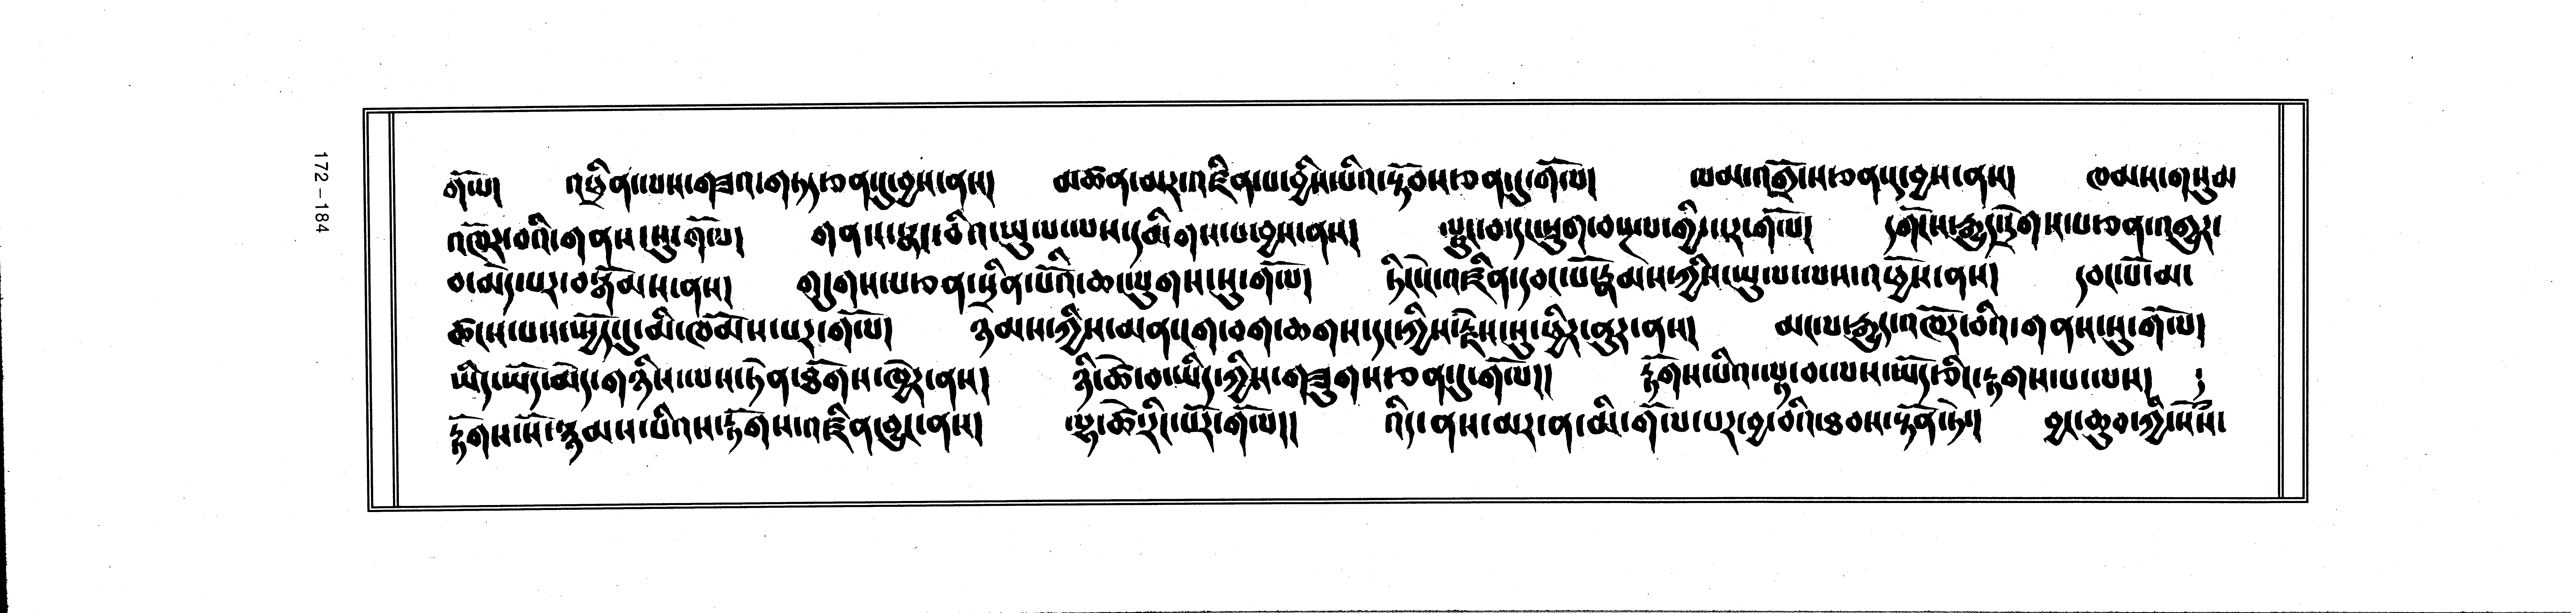གོལ། འཕྲིན་ལས་གཟའ་གཏད་ཅན་དུ་བྱས་ནས། མཚན་མར་འཛིན་པ་བྱིས་པའི་སྟོབས་ཅན་དུ་གོལ། ལམ་འགྲོ་ས་ཅན་དུ་བྱས་ནས། ཁམས་གསུམ་
འཁོར་བའི་གནས་སུ་གོལ། གནས་སྣང་བའི་ཡུལ་ལས་དམིགས་པ་བྱས་ནས། ལྟུང་བ་དང་སྡུག་བསྔལ་གྱི་སར་གོལ། དགོངས་རྒྱུད་དྲེགས་པ་ཅན་འགྱུར་
བ་མེད་པར་བསྒོམས་ནས། གདུགས་པ་ཅན་སྲིན་པོའི་ཆ་ལུགས་སུ་གོལ། ཏིང་ངེ་འཛིན་དབང་པོ་རྣམས་ཀྱིས་ཡུལ་ལས་འཕྱོས་ནས། དབང་པོ་མ་
ཚངས་པས་སྤྱོད་དུ་མི་ཁོམས་པར་གོལ། ཉམས་ཀྱིས་མན་ངག་བག་ཆགས་ཀྱིས་རྗེས་སུ་ཕྱིར་ནུར་ནས། མངལ་རྒྱུད་འཁོར་བའི་གནས་སུ་གོལ། 
ཡིད་ཡོད་མེད་གཉིས་ལས་ཏེན་ཐོགས་ཁྱེར་ནས། ཉི་ཚེ་བ་ཡིད་ཀྱིས་གཟུགས་ཅན་དུ་གོལ། རྟོགས་པའི་ལྟ་བ་ལས་ཡོད་ཅིང་རྟགས་པ་ལས། 
རྟོགས་སོ་སྙམས་པའི་རྟོགས་འཛིན་བྱུང་ནས། ལྷ་ཚེ་རིང་པོར་གོལ། འདི་ནས་མར་ན་མི་གོལ་པར་བྱ་བའི་ཐབས་སྟོན་ཏེ། བྱང་ཆུབ་ཀྱིས་སེམས་